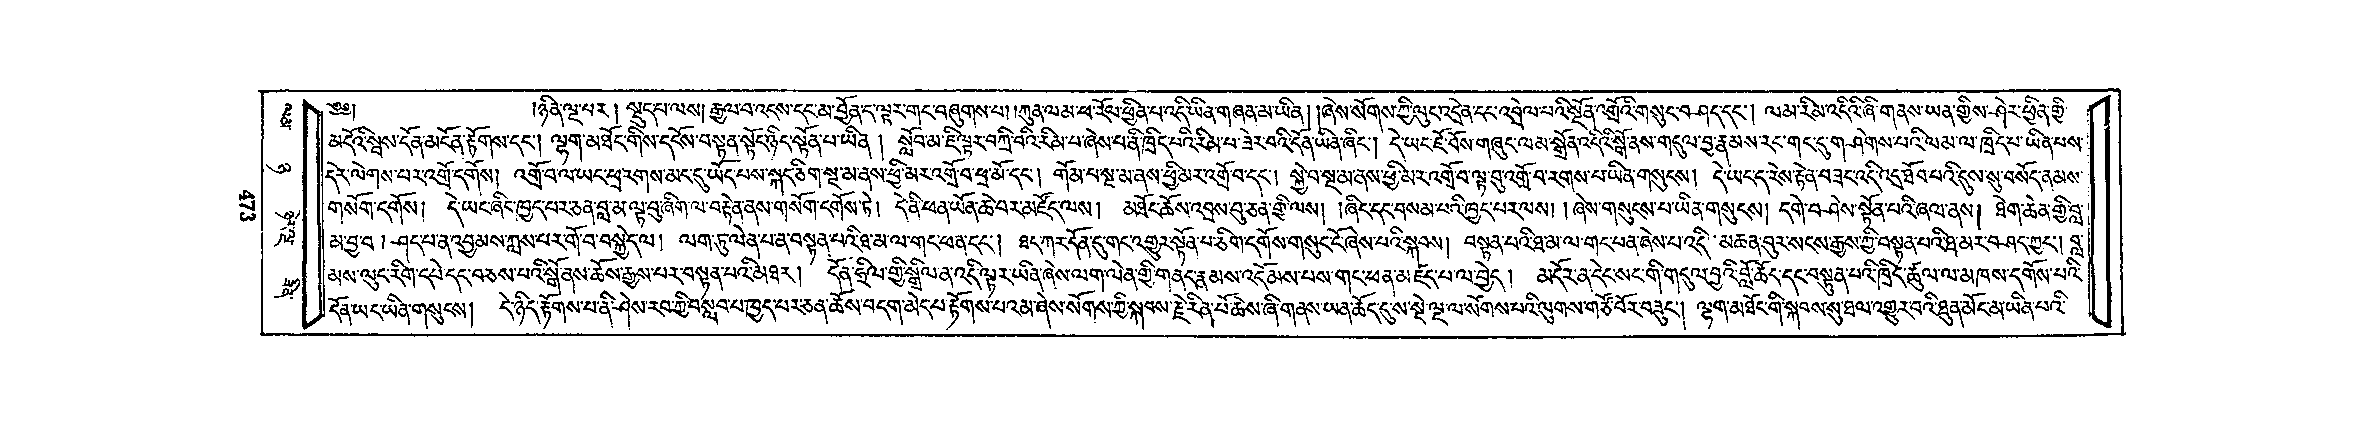༄༅། །ཉིན་ལྔ་པར། སྡུད་པ་ལས། རྒྱལ་བ་འདས་དང་མ་བྱོན་ད་ལྟར་གང་བཞུགས་པ། །ཀུན་ལམ་ཕ་རོལ་ཕྱིན་པ་འདི་ཡིན་གཞན་མ་ཡིན། །ཞེས་སོགས་ཀྱི་ལུང་འདྲེན་དང་འབྲེལ་པའི་སྔོན་འགྲོའི་གསུང་བཤད་དང་། ལམ་རིམ་འདིའི་ཞི་གནས་ཡན་གྱིས་ཤེར་ཕྱིན་གྱི་
མདོའི་སྦིས་དོན་མངོན་རྟོགས་དང་། ལྷག་མཐོང་གིས་དངོས་བསྟན་སྟོང་ཉིད་སྟོན་པ་ཡིན། སློབ་མ་ཇི་ལྟར་བཀྲི་བའི་རིམ་པ་ཞེས་པ་ནི་ཁྲིད་པའི་རིམ་པ་ཟེར་བའི་དོན་ཡིན་ཞིང་། དེ་ཡང་ཇོ་བོས་གཞུང་ལམ་སྒྲོན་འདིའི་སྒོ་ནས་གདུལ་བྱ་རྣམས་རང་གང་དུ་གཤེགས་པའི་ལམ་ལ་ཁྲིད་པ་ཡིན་པས་
དེར་ལེགས་པར་འགྲོ་དགོས། འགྲོ་བ་ལ་ཡང་ཕྲ་རགས་མང་དུ་ཡོད་པས་སྐད་ཅིག་སྔ་མ་ནས་ཕྱི་མར་འགྲོ་བ་ཕྲ་མོ་དང་། གོམ་པ་སྔ་མ་ནས་ཕྱི་མར་འགྲོ་བ་དང་། སྐྱེ་བ་སྔ་མ་ནས་ཕྱི་མར་འགྲོ་བ་ལྟ་བུ་འགྲོ་བ་རགས་པ་ཡིན་གསུངས། དེ་ཡང་ད་རེས་རྟེན་བཟང་འདི་འདྲ་ཐོབ་པའི་དུས་སུ་བསོད་ནམས་
གསོག་དགོས། དེ་ཡང་ཞིང་ཁྱད་པར་ཅན་བླ་མ་ལྟ་བུ་ཞིག་ལ་བརྟེན་ནས་གསོག་དགོས་ཏེ། དེ་ནི་ཕན་ཡོན་ཆེ་བར་མཛོད་ལས། མཐོང་ཆོས་འབྲས་བུ་ཅན་གྱི་ལས། །ཞིང་དང་བསམ་པའི་ཁྱད་པར་ལས། །ཞེས་གསུངས་པ་ཡིན་གསུངས། དགེ་བཤེས་སྟོན་པའི་ཞལ་ནས། ཐེག་ཆེན་གྱི་བླ་
མ་བྱ་བ། ཤད་པ་ན་འབྱམས་ཀླས་པར་གོ་བ་བསྐྱེད་ལ། ལག་ཏུ་ལེན་པ་ན་བསྟན་པའི་ཐ་མ་ལ་གང་ཕན་དང་། ཐད་ཀར་དོན་དུ་གང་འགྱུར་སྟོན་པ་ཅིག་དགོས་གསུང་ངོ་ཞེས་པའི་སྐབས། བསྟན་པའི་ཐ་མ་ལ་གང་ཕན་ཞེས་པ་འདི་མཆན་བུར་སངས་རྒྱས་ཀྱི་བསྟན་པའི་ཐ་མར་བཤད་ཀྱང་། བླ་
མས་ལུང་རིག་དཔེ་དང་བཅས་པའི་སྒོ་ནས་ཆོས་རྒྱས་པར་བསྟན་པའི་མཐར། དོན་ཧྲིལ་གྱི་སྒྲིལ་ན་འདི་ལྟར་ཡིན་ཞེས་ལག་ལེན་གྱི་གནད་རྣམས་འདོམས་པས་གང་ཕན་མཛད་པ་ལ་བྱེད། མདོར་ན་དེང་སང་གི་གདུལ་བྱའི་བློ་ཆོད་དང་བསྟུན་པའི་ཁྲིད་ཚུལ་ལ་མཁས་དགོས་པའི་
དོན་ཡང་ཡིན་གསུངས། དེ་ཉིད་རྟོགས་པ་ནི་ཤེས་རབ་ཀྱི་བསླབ་པ་ཁྱད་པར་ཅན་ཆོས་བདག་མེད་པ་རྟོགས་པའམ་ཞེས་སོགས་ཀྱི་སྐབས་རྗེ་རིན་པོ་ཆེས་ཞི་གནས་ཡན་ཆོད་དུ་ས་སྡེ་ལྔ་ལ་སོགས་པའི་ལུགས་གཙོ་བོར་བཟུང་། ལྷག་མཐོང་གི་སྐབས་སུ་ཐལ་འགྱུར་བའི་ཐུན་མོང་མ་ཡིན་པའི་